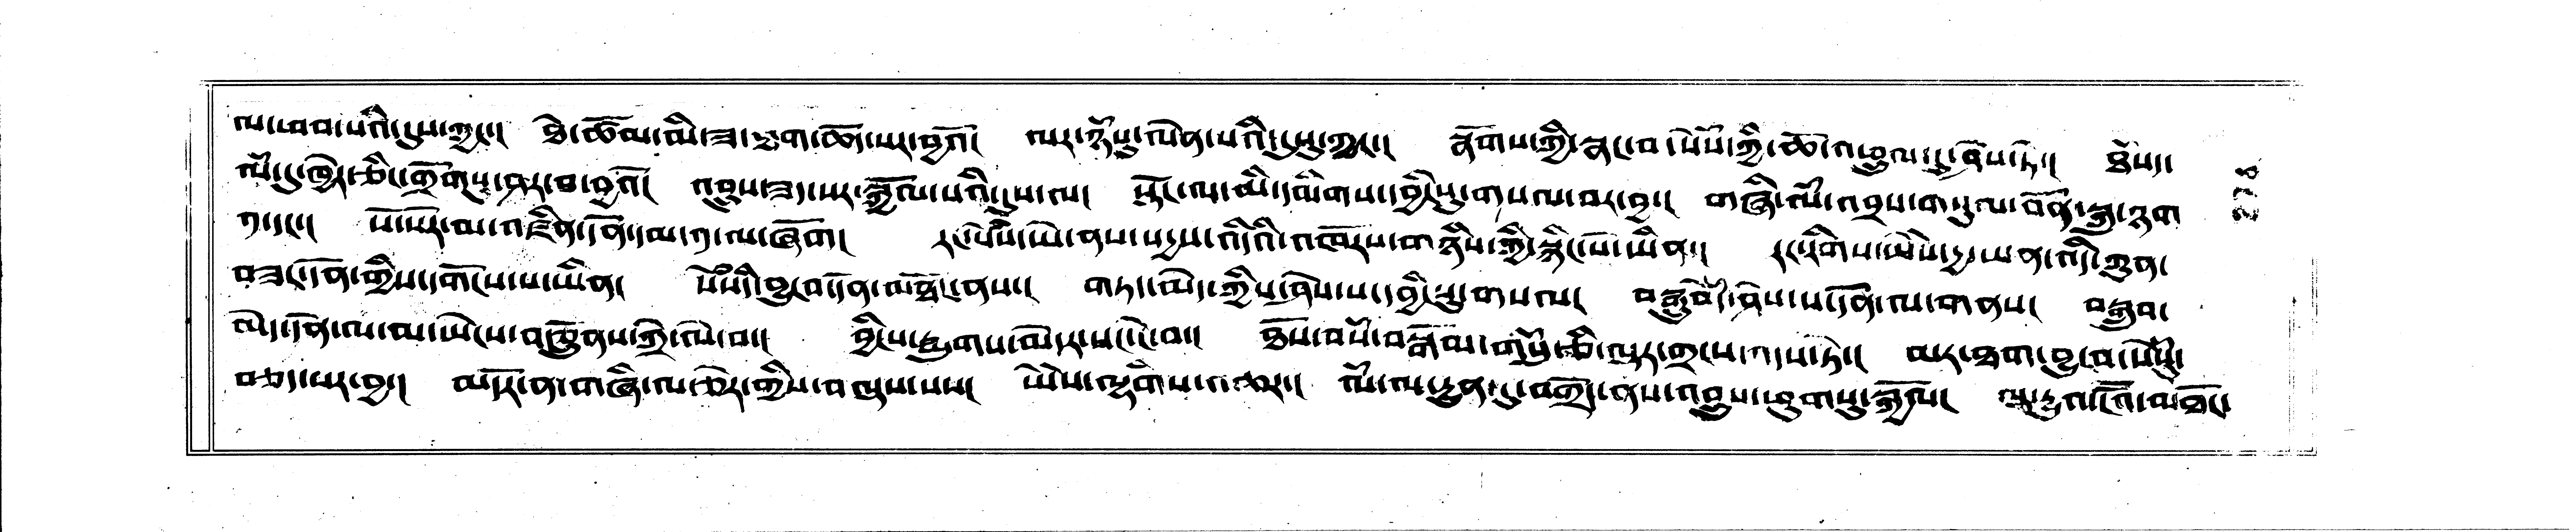ལ་ཕབ་པའི་དུས་ཀྱང་། ཐེ་ཚོམ་མི་ཟ་ཐག་ཆོད་པར་བྱའོ། ལམ་ཉམས་སུ་ལེན་པའི་དུས་ཀྱང་། སྣ་ཚོགས་ཀྱིས་སྣང་བ་སེམས་ཀྱི་ཆོ་འཕྲུལ་དུ་ཤེས་ཏེ། ཐམས་ཅད་
ལམ་དུ་ཁྱེར་ཞིང་གྲོགས་སུ་ཤར་བར་བྱའོ། འབྲས་བུ་ཟད་སར་སྐྱོལ་བའི་དུས་ལ། སྟོང་ལ་མི་དམིགས་དབྱིངས་སུ་གསལ་བར་བྱ། གཞི་ལམ་འབྲས་གསུམ་བོན་སྐུ་ཉག་
གཅིག་ངང་། སོ་སོར་མ་འཛིན་དོན་དམ་གཅིག་དུ་ཞོག རང་སེམས་ཡེ་ནས་སངས་རྒྱས་འདི། འཁོར་འདས་གཉིས་ཀྱིས་སྙིང་པོ་ཡིན། རང་རིག་ཤེས་པ་རྒྱ་ཡན་འདི། ཀུན་
བཟང་དོན་གྱིས་དགོངས་པ་ཡིན། སེམས་ཉིད་བྱང་ཆུབ་དོན་མཐོང་ན། གཏད་མེད་ཀྱིས་ཤེས་པ་དབྱིངས་སུ་གསལ། སྒྲུབ་མེད་ཀྱི་ཤེས་པའི་དོན་ལ་དགོངས་པ་ལྷོད་དེ་མེར་རེ་བ་གནས། བསྒྲུབ་
མེད་ཤེས་པ་ཡེངས་མེད་གསལ་བཏབ་སྟེ། རང་བཞིན་མེད་པའི་དོན་ལ་གོམ་པར་བྱ། ཤེས་ལ་སལེ་ཧྲིག་གེ་བ། དགོངས་པ་ལྷོད་དེ་མེ་རེ་བ། མི་ཡེངས་བརྩོན་འགྲུས་ཧྲི་ལེ་བ། བྱིང་རྨུག་མེད་པར་སང་ངེ་བ། ཐོས་བསམ་སྒོམ་གསུམ་ཅི་ལྟར་དྲངས་༼གྲགས༽འདས་སྟེ། དམར་ཐག་བྱང་ཆུབ་སེམས་སུ་
བཅད་པར་བྱ། མདོར་ན་གཞི་ལ་གཅེར་གྱིས་བལྟས་ན། ཡེ་ཤེས་ལྷགས་ཀྱི་འཆར། ལམ་ལ་རྒྱུན་དུ་བསྒྲོད་ན། འབྲས་བུ་ཕུགས་སུ་བཅོལ། ལྟ་རྒྱུའི་ངོའོ་མཐོང་